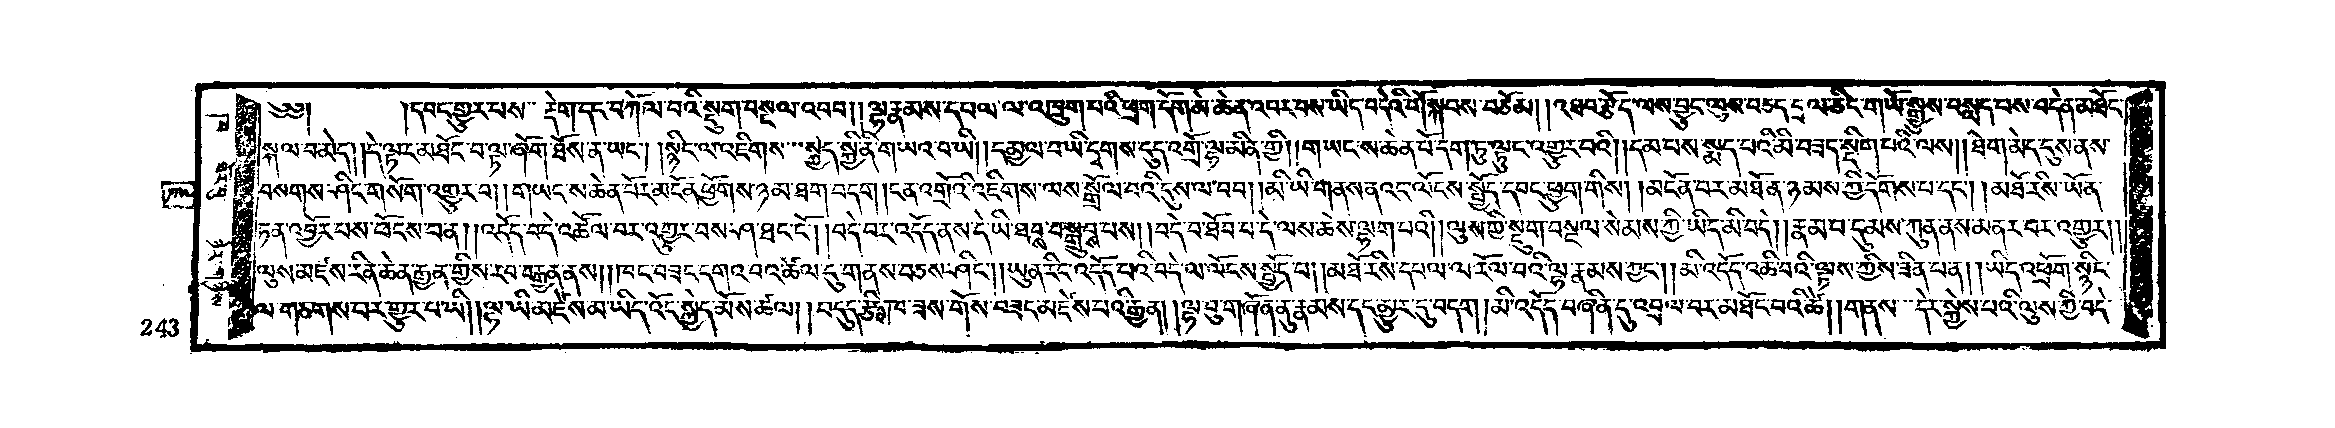༄༅། །དབང་གྱུར་པས་རྡེག་དང་བཀོལ་བའི་སྡུག་བསྔལ་འབབ། །ལྷ་རྣམས་དཔལ་ལ་འཁྲུག་པའི་ཕྲག་དོག་མེ་ཆེན་འབར་བས་ཡིད་བདེའི་གོ་སྐབས་བཅོམ། །འཐབ་རྩོད་ལས་བྱུང་ལུས་བཅད་དྲལ་ཅིང་གཡོ་སྒྱུས་བསླད་པས་བདེན་མཐོང་
སྐལ་བ་མེད། །དེ་ལྟར་མཐོང་བ་ལྟ་ཞོག་ཐོས་ན་ཡང་། །སྙིང་ལ་འཇིགས་སྐྱེད་སྐྱི་ནི་གཡའ་བ་ཡི། །དམྱལ་བ་ཡི་དྭགས་དུད་འགྲེ་ལྷ་མིན་གྱི། །གཡང་ས་ཆེན་པོ་དག་ཏུ་ལྟུང་འགྱུར་བའི། །དམ་པས་སྨད་པའི་མི་བཟད་སྡིག་པའི་ལས། །ཐེག་མེད་དུས་ནས་
བསགས་ཤིང་གསོག་འགྱུར་བ། །གཡང་ས་ཆེན་པོར་མངོན་ཕྱོགས་ཉམ་ཐག་བདག །ངན་འགྲོའི་འཇིགས་ལས་སྒྲོལ་བའི་དུས་ལ་བབ། །མི་ཡི་གནས་ནའང་ལོངས་སྤྱོད་དབང་ཕྱུག་གིས། །མངོན་པར་མཐོ་ན་ཉམས་ཀྱི་དོགས་པ་དང་། །མཐེ་རིས་ཡོན་
ཏན་འབྱོར་བས་ཕེངས་པ་ན། །འདོད་བདེ་འཚོལ་བར་འགྱུར་བས་ཤ་ཐང་ངོ། །བདེ་བར་འདོད་ནས་དེ་ཡི་ཐབས་བསྒྲུབས་པས། །བདེ་བ་ཐོབ་པ་དེ་ལས་ཆེས་ལྷག་པའི། །ལུས་ཀྱི་སྡུག་བསྔལ་སེམས་ཀྱི་ཡིད་མི་བདེ། །རྣམ་པ་དུ་མས་ཀུན་ནས་མནར་པར་འགྱུར། །
ལུས་མཛས་རིན་ཆེན་རྒྱན་གྱིས་རབ་བརྒྱན་ནས། །ཁང་བཟང་དགའ་བའི་ཚལ་དུ་གནས་བཅས་ཤིང་། །ཡུན་རིང་འདོད་པའི་བདེ་ལ་ལོངས་སྤྱོད་པ། །མཐོ་རིས་དཔལ་ལ་རོལ་བའི་ལྷ་རྣམས་ཀྱང་། །མི་འདོད་འཆི་བའི་ལྟས་ཀྱིས་ཟིན་པ་ན། །ཡིད་འཕྲོག་སྙིང་
ལ་གཅགས་པར་གྱུར་བ་ཡི། །ལྷ་ཡི་མཛེས་མ་ཡིད་འོང་སྐྱེད་མོས་ཚལ། །བདུད་རྩིའི་ཁ་ཟས་གོས་བཟང་མཛེས་པའི་རྒྱན། །ལྷ་བུ་གཞོན་ནུ་རྣམས་དང་མྱུར་དུ་བདག། །མི་འདོད་བཞིན་དུ་འབྲལ་བར་མཐོང་བའི་ཚེ། །གནས་དེར་སྐྱེས་པའི་ལུས་ཀྱི་བདེ་